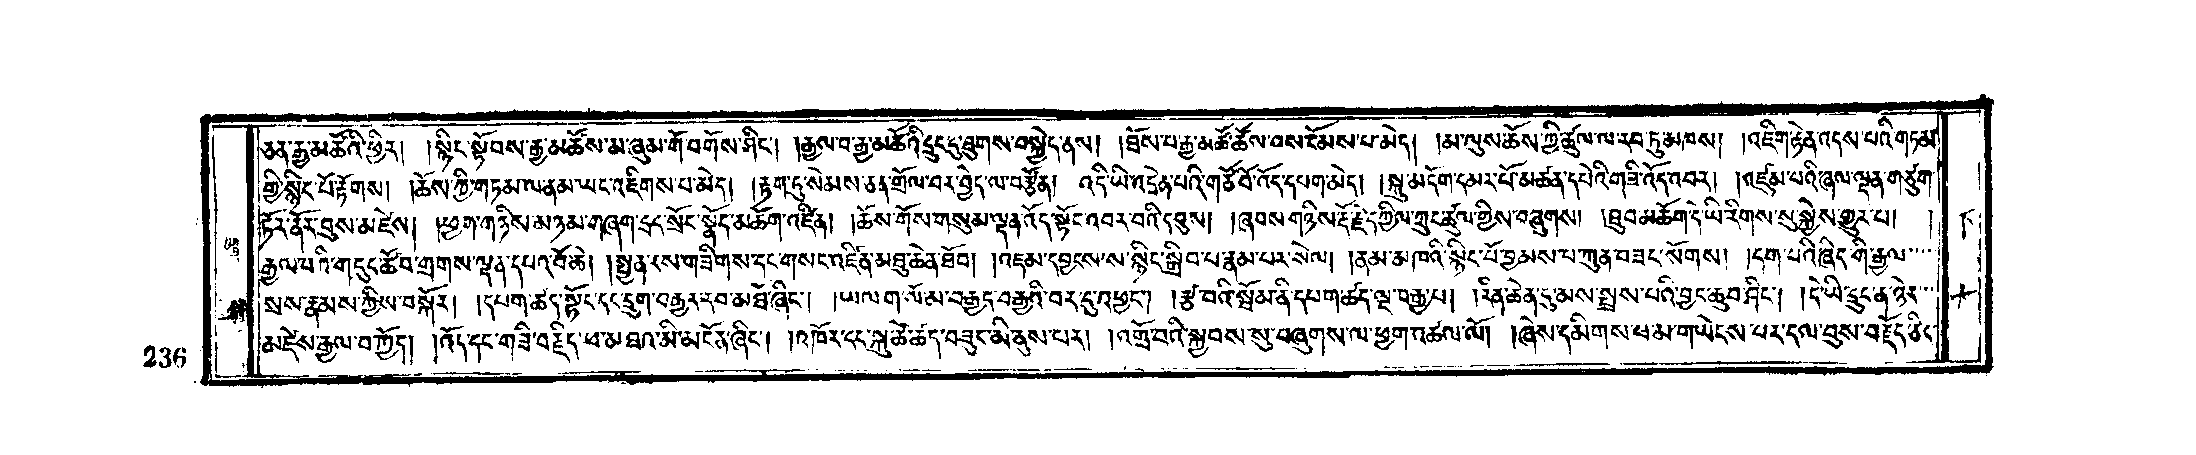ཅན་རྒྱ་མཚོའི་ཕྱིར། །སྙིང་སྟོབས་རྒྱ་མཚོས་མ་ཞུམ་གོ་བགོས་ཤིང་། །རྒྱལ་བ་རྒྱ་མཚོའི་དྲུང་དུ་ཐུགས་བསྐྱེད་ནས། །ཐོས་པ་རྒྱ་མཚོ་ཚོས་བས་ངོམས་པ་མེད། །མ་ལུས་ཆོས་ཀྱི་ཚུལ་ལ་རབ་ཏུ་མཁས། །འཇིག་རྟེན་འདས་པའི་གཏམ་
གྱི་སྙིང་པོ་རྟོགས། །ཆོས་ཀྱི་གཏམ་ལ་ནམ་ཡང་འཇིགས་པ་མེད། །རྟག་ཏུ་སེམས་ཅན་གྲོལ་བར་བྱེད་ལ་བརྩོན། འདི་ཡི་འདྲེན་པའི་གཙོ་བོ་འོད་དཔག་མེད། །སྐུ་མདོག་དམར་པོ་མཚན་དཔེའི་གཟི་འོད་འབར། །འཛུམ་པའི་ཞལ་ལྡན་གཙུག་
ཏོར་ནོར་བུས་མཛེས། །ཕྱག་གཉིས་མཉམ་གཞག་དྲང་སྲོང་སྣོད་མཆོག་འཛིན། །ཆོས་གོས་གསུམ་ལྡན་འོད་སྟོང་འབར་བའི་དབུས། །ཞབས་གཉིས་རྡོ་རྗེ་དཀྱིལ་ཀྲུང་ཚུལ་གྱིས་བཞུགས། །ཐུབ་མཆོག་དེ་ཡི་རིགས་སུ་སྐྱེས་གྱུར་པ། །
རྒྱལ་བའི་གདུང་ཚོབ་གྲགས་ལྡན་དཔའ་བོ་ཆེ། །སྤྱན་རས་གཟིགས་དང་གསང་འཛིན་མཐུ་ཆེན་ཐོབ། །འཇམ་དབྱངས་ས་སྙིང་སྒྲིབ་པ་རྣམ་པར་སེལ། །ནམ་མཁའི་སྙིང་པོ་བྱམས་པ་ཀུན་བཟང་སོགས། །དག་པའི་ཞིང་གི་རྒྱལ་
སྲས་རྣམས་ཀྱིས་བསྐོར། །དཔག་ཚད་སྟོང་དང་དྲུག་བརྒྱར་རབ་མཐོ་ཞིང་། །ཡལ་ག་ལོ་མ་བརྒྱད་བརྒྱའི་བར་དུ་འཕྱང་། །རྩ་བའི་སྦོམ་ནི་དཔག་ཚད་ལྔ་བརྒྱ་པ། །རིན་ཆེན་དུ་མས་སྤྲས་པའི་བྱང་ཆུབ་ཤིང་། །དེ་ཡི་དྲུང་ན་ཉེར་
མཛེས་རྒྱལ་བ་ཁྱོད། །འོད་དང་གཟི་བརྗིད་ཕ་མཐའ་མི་མངོན་ཞིང་། །འཁོར་དང་སྐུ་ཚེ་ཚད་བཟུང་མི་ནུས་པར། །འགྲོ་བའི་སྐྱབས་སུ་བཞུགས་ལ་ཕྱག་འཚལ་ལོ། །ཞེས་དམིགས་པ་མ་གཡེངས་པར་དལ་བུས་བརྗོད་ཅིང་